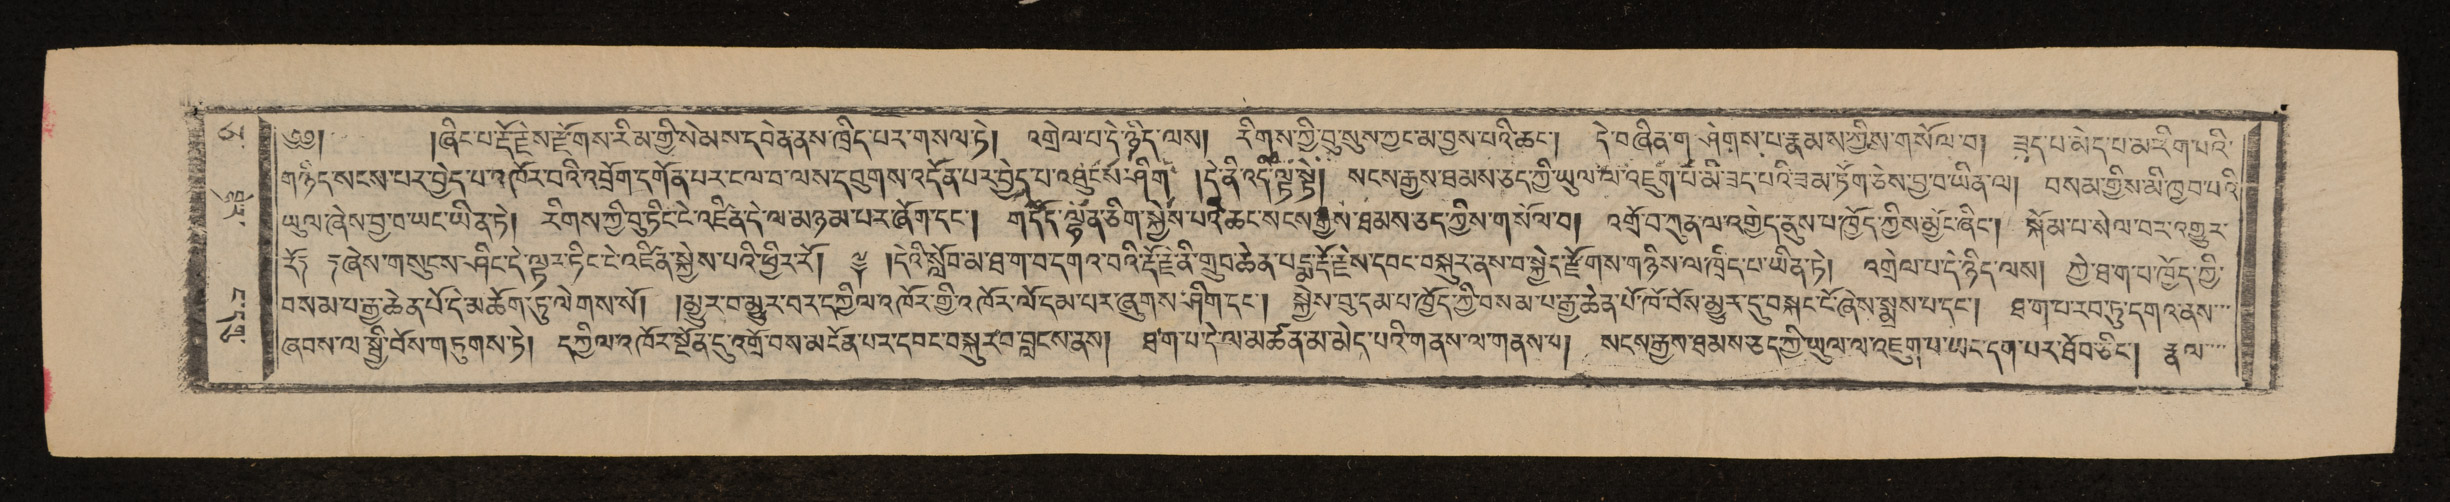༄༅། །ཞིང་བ་རྡོ་རྗེས་རྫོགས་རིམ་གྱི་སེམས་དབེན་ནས་ཁྲིད་པར་གསལ་ཏེ། འགྲེལ་པ་དེ་ཉིད་ལས། རིགས་ཀྱི་བུ་སུས་ཀྱང་མ་བྱས་པའི་ཆང་། དེ་བཞིན་གཤེགས་པ་རྣམས་ཀྱིས་གསོལ་བ། ཟད་པ་མེད་པ་མ་རིག་པའི་
གཉིད་སངས་པར་བྱེད་པ་འཁོར་བའི་འབྲོག་དགོན་པར་ངལ་བ་ལས་དབུགས་འདོན་པར་བྱེད་པ་འཐུངས་ཤིག །དེ་ནི་འདི་ལྟ་སྟེ། སངས་རྒྱས་ཐམ་ཅད་ཀྱི་ཡུལ་ལ་འཇུག་པ་མི་ཟད་པའི་ཟམ་ཏོག་ཅེས་བྱ་བ་ཡིན་ལ། བསམ་གྱིས་མི་ཁྱབ་པའི་
ཡུལ་ཞེས་བྱ་བ་ཡང་ཡིན་ཏེ། རིགས་ཀྱི་བུ་ཏིང་ངེ་འཛིན་དེ་ལ་མཉམ་པར་ཞོག་དང་། གདོད་ལྷན་ཅིག་སྐྱེས་པའི་ཆང་སངས་རྒྱས་ཐམས་ཅད་ཀྱིས་གསོལ་བ། འགྲོ་བ་ཀུན་ལ་འགྱེད་ནུས་པ་ཁྱོད་ཀྱིས་མྱོང་ཞིང་། སྐོམ་པ་སེལ་བར་འགྱུར་
རོ༑ ༑ཞེས་གསུངས་ཤིང་དེ་ལྟར་ཏིང་ངེ་འཛིན་སྐྱེས་པའི་ཕྱིར་རོ། ༈ །དེའི་སློབ་མ་ཐ་ག་པ་དགའ་བའི་རྡོ་རྗེ་ནི་གྲུབ་ཆེན་པདམ་རྡོ་རྗེས་དབང་བསྐུར་ནས་བསྐྱེད་རྫོགས་གཉིས་ལ་ཁྲིད་པ་ཡིན་ཏེ། འགྲེལ་པ་དེ་ཉིད་ལས། ཀྱེ་ཐ་ག་པ་ཁྱོད་ཀྱི་
བསམ་པ་རྒྱ་ཆེན་པོ་དེ་མཆོག་ཏུ་ལེགས་སོ། །མྱུར་བ་མྱུར་བར་དཀྱིལ་འཁོར་གྱི་འཁོར་ལོ་དམ་པར་ཞུགས་ཤིག་དང་། སྐྱེས་བུ་དམ་པ་ཁྱོད་ཀྱི་བསམ་པ་རྒྱ་ཆེན་པོ་ཁོ་བོས་མྱུར་དུ་བསྐང་ངོ་ཞེས་སྨྲས་པ་དང་། ཐག་བ་རབ་ཏུ་དགའ་ནས་
ཞབས་ལ་སྤྱི་བོས་གཏུགས་ཏེ། དཀྱིལ་འཁོར་སྔོན་དུ་འགྲོ་བས་མངོན་པར་དབང་བསྐུར་བ་བླངས་ནས། ཐ་ག་པ་དེ་ལ་མཚན་མ་མེད་པའི་གནས་ལ་གནས་པ། སངས་རྒྱས་ཐམས་ཅད་ཀྱི་ཡུལ་ལ་འཇུག་པ་ཡང་དག་པར་ཐོབ་ཅིང་། རྣལ་